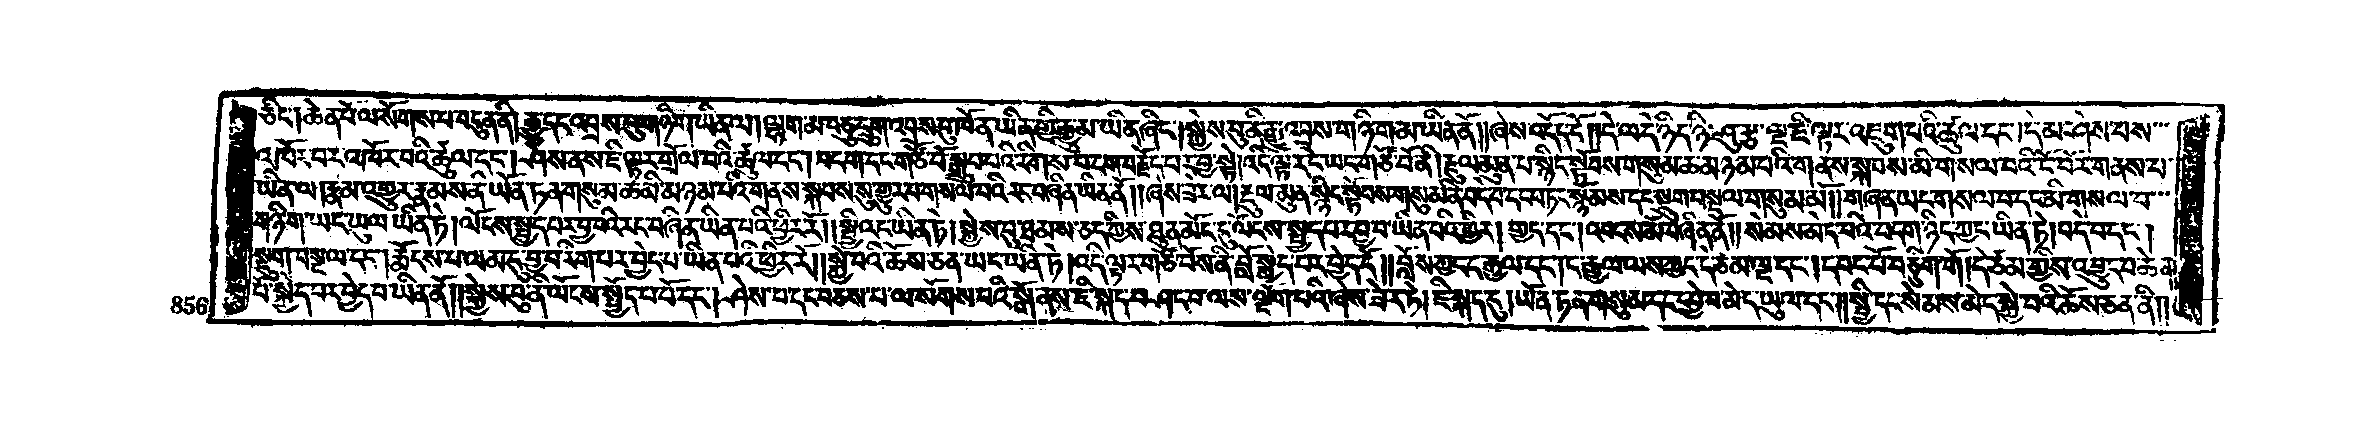ཅིང་། ཆེན་པོ་ལ་སོགས་པ་བདུན་ནི། རྒྱུ་དང་འབྲས་བུ་གཉི་ག་ཡིན་ལ། ལྷག་མ་བཅུ་དྲུག་འབྲས་བུ་ཁོ་ན་ཡིན་གྱི་རྒྱུ་མ་ཡིན་ཞིང་། སྐྱེས་བུ་ནི་རྒྱུ་འབྲས་གཉི་ག་མ་ཡིན་ནོ། །ཞེས་འདོད་དོ། །དེ་ལ་དེ་ཉིད་ཉི་ཤུ་རྩ་ལྔ་ཇི་ལྟར་འཇུག་པའི་ཚུལ་དང་། དེ་མ་ཤེས་པས་
འཁོར་བར་འཁོར་བའི་ཚུལ་དང་། ཤེས་ནས་ཇི་ལྟར་གྲོལ་བའི་ཚུལ་དང་། བདག་དང་གཙོ་བོ་སྒྲུབ་པའི་རིགས་པ་དག་བརྗོད་པར་བྱ་སྟེ། འདི་ལྟར་དེ་ཡང་གཙོ་བོ་ནི། རྡུལ་མུན་པ་སྙིང་སྟོབས་གསུམ་ཆ་མཉམ་པའི་གནས་སྐབས་མི་གསལ་བའི་ངོ་བོར་གནས་པ་
ཡིན་ལ། རྣམ་འགྱུར་རྣམས་ནི་ཡོན་ཏན་གསུམ་ཆ་མི་མཉམ་པའི་གནས་སྐབས་སུ་གྱུར་པ་གསལ་བའི་རང་བཞིན་ཡིན་ནོ། །ཞེས་ཟེར་ལ། རྡུལ་མུན་སྙིང་སྟོབས་གསུམ་ནི་བདེ་བ་དང་བཏང་སྙོམས་དང་སྡུག་བསྔལ་གསུམ་མོ། །གཞན་ཡང་གསལ་བ་དང་མི་གསལ་བ་
གཉི་ག་ཡང་ཡུལ་ཡིན་ཏེ། ལོངས་སྤྱད་པར་བྱ་བའི་རང་བཞིན་ཡིན་པའི་ཕྱིར་རོ། །སྤྱིའང་ཡིན་ཏེ། སྐྱེས་བུ་ཐམས་ཅད་ཀྱིས་ཐུན་མོང་དུ་ལོངས་སྤྱད་པར་བྱ་བ་ཡིན་པའི་ཕྱིར། གྱད་དང་། འབངས་མོ་བཞིན་ནོ། །སེམས་མེད་པའི་བདག་ཉིད་ཀྱང་ཡིན་ཏེ། བདེ་བ་དང་།
སྡུག་བསྔལ་དང་། རྨོངས་པ་ལམ་དུ་བྱ་བ་རིག་པར་བྱེད་པ་ཡིན་པའི་ཕྱིར་རོ། །སྐྱེ་བའི་ཆོས་ཅན་ཡང་ཡིན་ཏེ། འདི་ལྟར་གཙོ་བོས་ནི་བློ་སྐྱེད་པར་བྱེད་དོ། །བློས་ཀྱང་ང་རྒྱལ་དང་། ང་རྒྱལ་ལས་ཀྱང་དེ་ཙམ་ལྔ་དང་། དབང་པོ་བཅུ་གཅིག་གོ །དེ་ཙམ་གྱིས་འབྱུང་བ་ཆེན་
པོ་སྐྱེད་པར་བྱེད་པ་ཡིན་ནོ། །སྐྱེས་བུ་ནི་ལོངས་སྤྱོད་པ་པོ་དང་། ཤེས་པ་དང་བཅས་པ་ལ་སོགས་པའི་སྒོ་ནས་ཇི་སྐད་བཤད་པ་ལས་ལྡོག་པའི་ཞེས་ཟེར་ཏེ། ཇི་སྐད་དུ། ཡོན་ཏན་གསུམ་དང་དབྱེ་བ་མེད་ཡུལ་དང་། །སྤྱི་དང་སེམས་མེད་སྐྱེ་བའི་ཆོས་ཅན་ནི། །